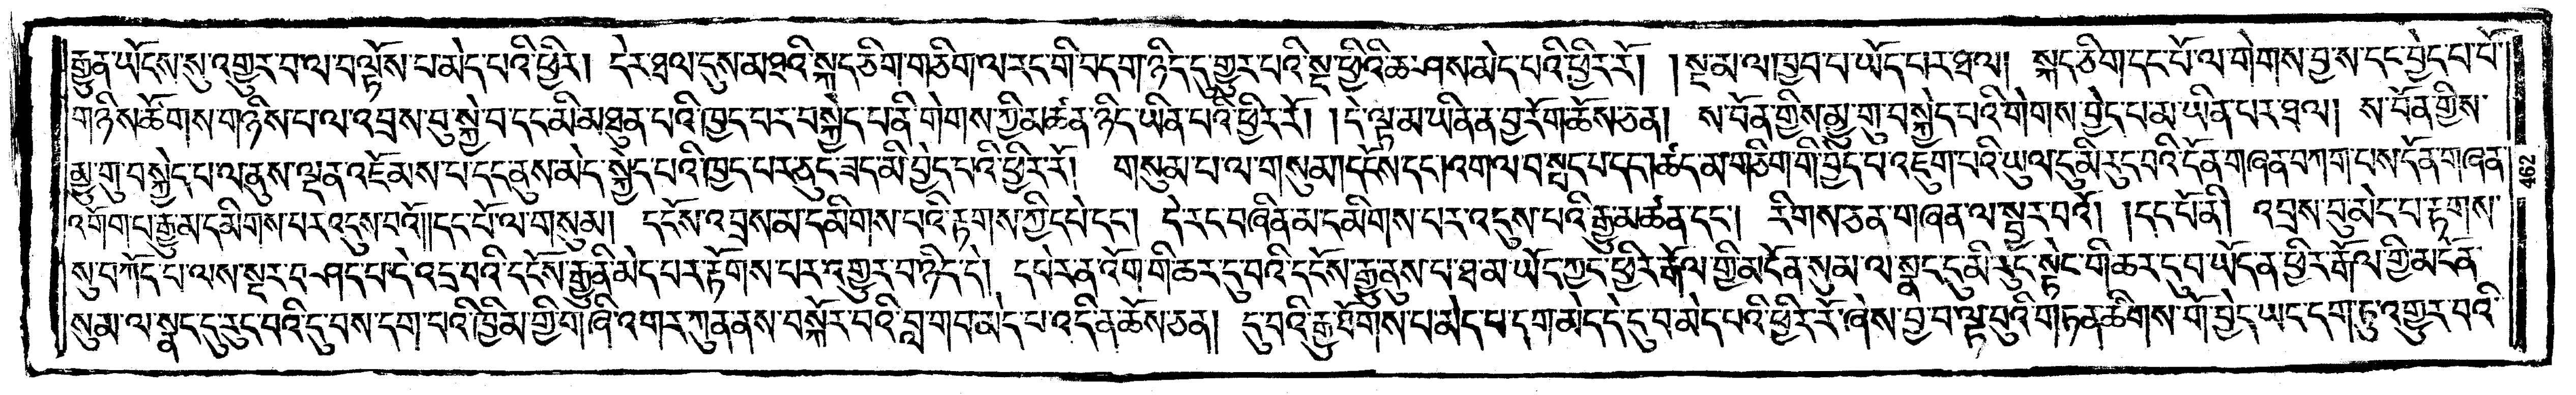རྒྱུན་ཡོངས་སུ་འགྱུར་བ་ལ་བལྟོས་པ་མེད་པའི་ཕྱིར། དེར་ཐལ་དུས་མཐའི་སྐད་ཅིག་གཅིག་ལ་རང་གི་བདག་ཉིད་དུ་གྱུར་པའི་སྔ་ཕྱིའི་ཆ་ཤས་མེད་པའི་ཕྱིར་རོ། །སྔ་མ་ལ་ཁྱབ་པ་ཡོད་པར་ཐལ། སྐད་ཅིག་དང་པོ་ལ་གེགས་བྱ་ས་དང་བྱེད་པ་པོ་
གཉིས་ཚོགས་གཉིས་པ་ལ་འབྲས་བུ་སྐྱེ་བ་དང་མི་མཐུན་པའི་ཁྱད་པར་བསྐྱེད་པ་ནི་གེགས་ཀྱི་མཚན་ཉིད་ཡིན་པའི་ཕྱིར་རོ། །དེ་ལྟ་མ་ཡིན་ན་བྱ་རོག་ཆོས་ཅན། ས་བོན་གྱིས་མྱུ་གུ་བསྐྱེད་པའི་གེགས་བྱེད་པ་མ་ཡིན་པར་ཐལ། ས་བོན་གྱིས་
མྱུ་གུ་བསྐྱེད་པ་ལ་ནུས་ལྡན་འཇོམས་པ་དང་ནུས་མེད་སྐྱེད་པའི་ཁྱད་པར་ཅུང་ཟད་མི་བྱེད་པའི་ཕྱིར་རོ། །གསུམ་པ་ལ་གསུམ། དངོས་དང་། འགལ་བ་སྤང་པ་དང་། ཚད་མ་གཅིག་གི་བྱེད་པ་འཇུག་པའི་ཡུལ་དུ་མི་རུང་བའི་དོན་གཞན་བཀག་པས་དོན་གཞན་
འགོག་པ་རྒྱུ་མ་དམིགས་པར་འདུས་བའོ། །དང་པོ་ལ་གསུམ། དངོས་འབྲས་མ་དམིགས་པའི་རྟགས་ཀྱི་དཔེ་དང་། དེ་རང་བཞིན་མ་དམིགས་པར་འདུས་པའི་རྒྱུ་མཚན་དང་། རིགས་ཅན་གཞན་ལ་སྦྱར་བའོ། །དང་པོ་ནི། འབྲས་བུ་མེད་པ་རྟགས་
སུ་བཀོད་པ་ལས་སྔར་བཤད་པ་དེ་འདྲ་བའི་དངོས་རྒྱུ་ནི་མེད་པར་རྟོགས་པར་འགྱུར་བ་ཉིད་དེ། དཔེར་ན་འོག་གི་ཆར་དུ་བའི་དངོས་རྒྱུ་ནུས་པ་ཐ་མ་ཡོད་ཀྱང་ཕྱིར་རྒོལ་གྱི་མངོན་སུམ་ལ་སྣང་དུ་མི་རུང་སྟེང་གི་ཆར་དུ་བ་ཡོད་ན་ཕྱིར་རྒོལ་གྱི་མངོན་
སུམ་ལ་སྣང་དུ་རུང་བའི་དུ་བས་དག་པའི་ཁྱིམ་གྱི་གཞི་འགར་ཀུན་ནས་བསྐོར་བའི་བླ་གབ་མེད་པ་འདི་ན་ཆོས་ཅན། དུ་བའི་རྒྱུ་ཐོགས་པ་མེད་པ་དག་མེད་དེ་དུ་བ་མེད་པའི་ཕྱིར་རོ་ཞེས་བྱ་བ་ལྟ་བུའི་གཏན་ཚིགས་གོ་བྱེད་ཡང་དག་ཏུ་འགྱུར་བའི་